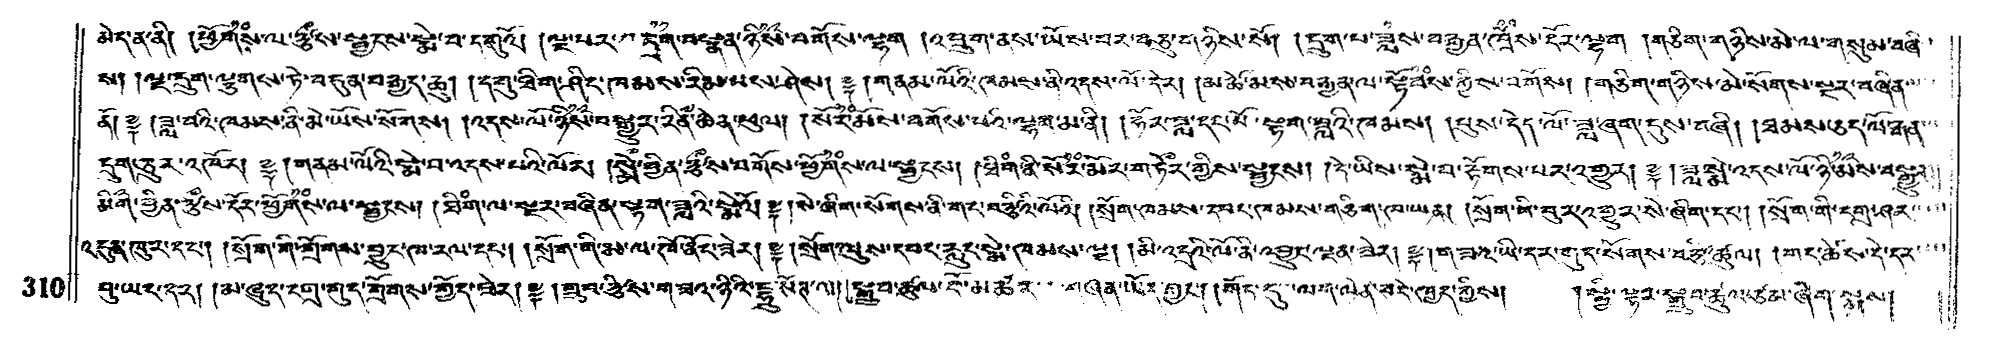མེད་ན་ནི། །ཕྱོགས་ལ་རྩྀས་སྦྱངས་སྨེ་བ་དགུའོ། །ལྔ་པར་འདྲག་བསྣན་ཉིས་བགོས་ལྷག །འབྲུག་ནས་ཡོས་པར་བཅུ་གཉིས་སོ། །དྲུག་པ་ཟླས་བརྒྱན་ཁྲོས་ངོར་ལྷག །གཅིག་གཉིས་མེ་ལ་གསུམ་བཞི་
ས། །ལྔ་དྲུག་ལྕགས་ཏེ་བདུན་བརྒྱད་ཆུ། །དགུ་ཐིག་ཤིང་ཁམས་རིམ་པས་ཤེས། ༈ །གནམ་ལོའི་ཁམས་ནི་འདས་ལོ་དེར། །མཚེ་མས་བརྒྱན་ལ་སྟོབས་ཀྱིས་བགོས། །གཅིག་གཉིས་མེ་སོགས་སྔར་བཞིན་
ནོ། ༈ །ཟླ་བའི་ཁམས་ནི་མེ་ཡོས་སོགས། །འདས་ལོ་ཉིས་བསྒྱུར་རིན་ཆེན་ཕུལ། །སོར་མོས་བགོས་པའི་ལྷག་མ་ནི། །ཧོར་ཟླ་དང་པོ་སྟག་ཟླའི་ཁམས། །བུས་དེད་ལོ་ཟླ་ཞག་དུས་བཞི། །ཐམས་ཅད་ལོ་རྒན་
དྲུག་ཅུར་འཁོར། ༈ །གནམ་ལོའི་སྨེ་བ་འདས་པའི་ལོར། །སྨེ་བྱིན་རྩྀས་བགོས་ཕྱོགས་ལ་སྦྱངས། །ཐིག་ནི་སོར་མོར་གཏེར་གྱིས་སྦྱངས། །དེ་ཡིས་སྨེ་བ་རྟོགས་པར་འགྱུར། ༈ །ཟླ་སྨེ་འདས་ལོ་ཉི་མས་བསྒྱུར།།
མིག་བྱིན་རྩྀས་དོར་ཕྱོགས་ལ་སྦྱངས། །ཐིག་ལ་སྔར་བཞིན་སྟག་ཟླའི་སྨེའོ་༈ །སེ་ཞིག་སོགས་ནི་གང་བརྩིའི་ལོའི། །སྲོག་ཁམས་དབང་ཁམས་གཅིག་ཁ་ཡན། །སྲོག་གི་བུར་འགྱུར་སེ་ཞིག་དང་། །སྲོག་གི་དགྲ་ཤར་
འདུན་ཁུར་དང་། །སྲོག་གི་གྲོགས་བྱུང་ཁ་རལ་དང་། །སྲོག་གི་མ་ལ་ཁོ་ནོང་ཟེར། ༈ །སྲོག་ལུས་དབང་རླུང་སྨེ་ཁམས་ལྔ། །མི་འདྲའི་ལོ་ནི་འབྱུང་ལྡན་ཟེར། ༈ །གཟའ་ཡི་དར་གུད་སོགས་བརྩི་ཚུལ། །གང་ཚེས་དེ་དར་
བུ་ཡང་དར། །མ་ཞུད་དགྲ་གུད་གྲོགས་གྱོད་ཟེར། ༈ །གྲུབ་རྩིས་གཟའ་ཉིའི་དྷྲུ་སོགས་ལ། །སྒྲུབ་ཚུལ་ངོ་མཚར་གཞན་ཡོད་ཀྱང་། །གོང་དུ་ལག་ལེན་བདེ་ཁྱད་ཀྱིས། །སྤྱི་ལྟར་སྒྲུབ་ཚུལ་ཙམ་ཞིག་སྨྲས། །